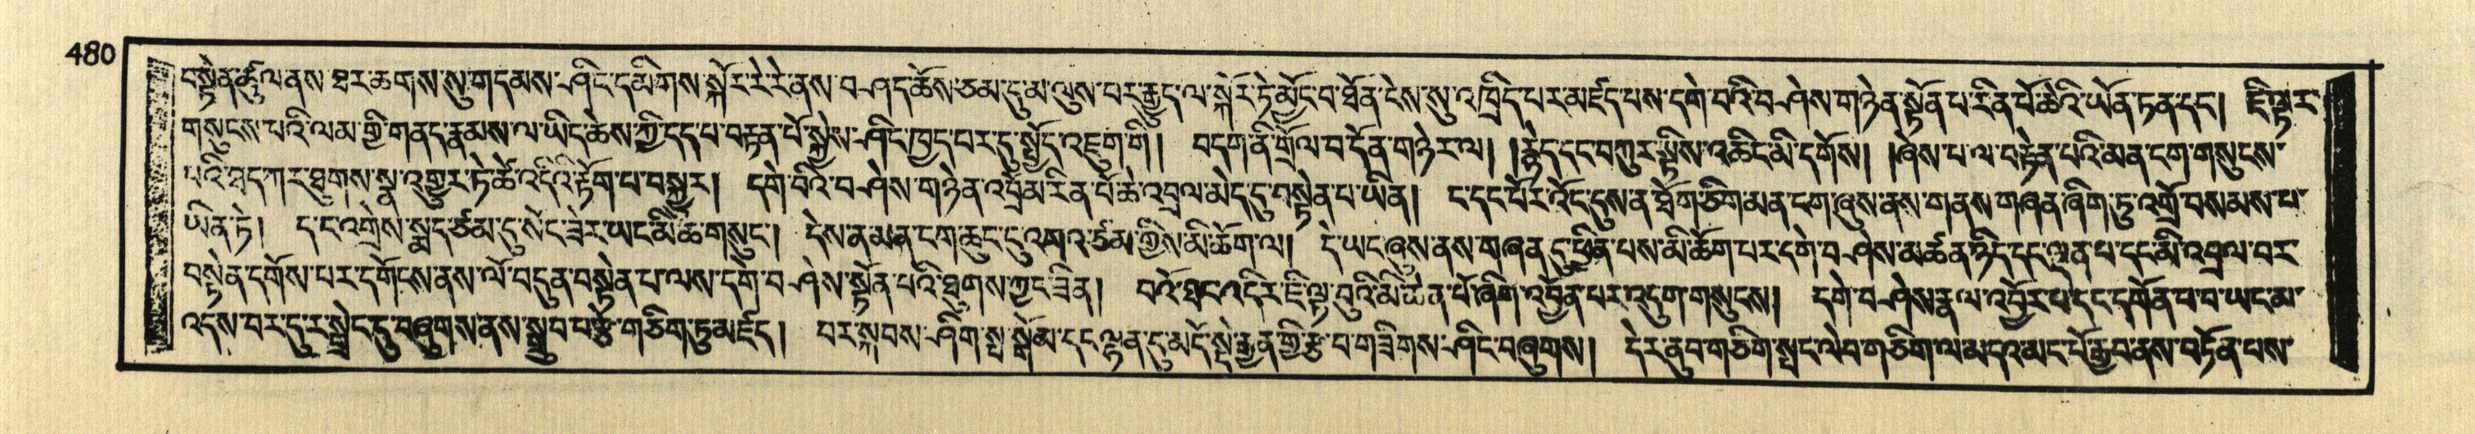བསྟེན་ཚུལ་ནས་ཐར་ཆགས་སུ་གདམས་ཤིང་དམིགས་སྐོར་རེ་རེ་ནས་བཤད་ཆོས་ཅམ་དུ་མ་ལུས་བར་རྒྱུད་ལ་སྐོར་ཏེ་མྱོང་བ་ཐོན་ངེས་སུ་འཁྲིད་པར་མཛད་པས་དགེ་བའི་བཤེས་གཉེན་སྟོན་པ་རིན་པོ་ཆེའི་ཡོན་ཏན་དང་། ཇི་ལྟར་
གསུངས་པའི་ལམ་གྱི་གནད་རྣམས་ལ་ཡིད་ཆེས་ཀྱི་དད་པ་བརྟན་པོ་སྐྱེས་ཤིང་ཁྱད་པར་དུ་སྤྱོད་འཇུག་གི། བདག་ནི་གྲོལ་བ་དོན་གཉེར་ལ། །རྙེད་དང་བཀུར་སྟིས་འཆིང་མི་དགོས། །ཞེས་པ་ལ་བརྟེན་པའི་མན་ངག་གསུངས་
པའི་ཐད་ཀར་ཐུགས་སྣ་འགྱུར་ཏེ་ཚེ་འདིའི་རྟོག་པ་བསྐྱུར། དགེ་བའི་བཤེས་གཉེན་འབྲོམ་རིན་པོ་ཆེ་འབྲལ་མེད་དུ་བསྟེན་པ་ཡིན། ང་དང་པོར་འོང་དུས་ན་ཐོག་ཅིག་མན་ངག་ཞུས་ནས་གནས་གཞན་ཞིག་ཏུ་འགྲོ་བསམས་པ་
ཡིན་ཏེ། དང་ང་འགྲེས་སྨད་ཙམ་དུ་སོང་ཟེར་ཡང་མི་ཆ་གསུང་། དེས་ན་མན་ངག་ཆུང་དུ་འགའ་ཙམ་གྱིས་མི་ཆོག་ལ། དེ་ཡང་ཞུས་ནས་གཞན་དུ་ཕྱིན་པས་མི་ཆོག་པར་དགེ་བཤེས་མཚན་ཉིད་དང་ལྡན་པ་དང་མི་འབྲལ་བར་
བསྟེན་དགོས་པར་དགོངས་ནས་ལོ་བདུན་བསྟེན་པ་ལས་དགེ་བཤེས་སྟོན་པའི་ཐུགས་ཀྱང་ཟིན། བའོ་ཐང་འདིར་ཇི་ལྟ་བུའི་མི་ཆེན་པོ་ཞིག་འབྱོན་པར་འདུག་གསུངས། དགེ་བཤེས་རྣལ་འབྱོར་པ་དང་དགོན་པ་བ་ཡང་མ་
འདས་བར་དུ་ར་སྒྲེང་དུ་བཞུགས་ནས་སྒྲུབ་པ་རྩེ་གཅིག་ཏུ་མཛད། བར་སྐབས་ཤིག་སྤ་སྒོམ་དང་ལྷན་དུ་མདོ་སྡེ་རྒྱན་གྱི་རྩ་བ་དགྯིགས་ཤིང་བཞུགས། དེར་ནུབ་གཅིག་སྤང་ལེབ་གཅིག་ལ་མདའ་མང་པོ་རྒྱབ་ནས་བཏོན་པས་